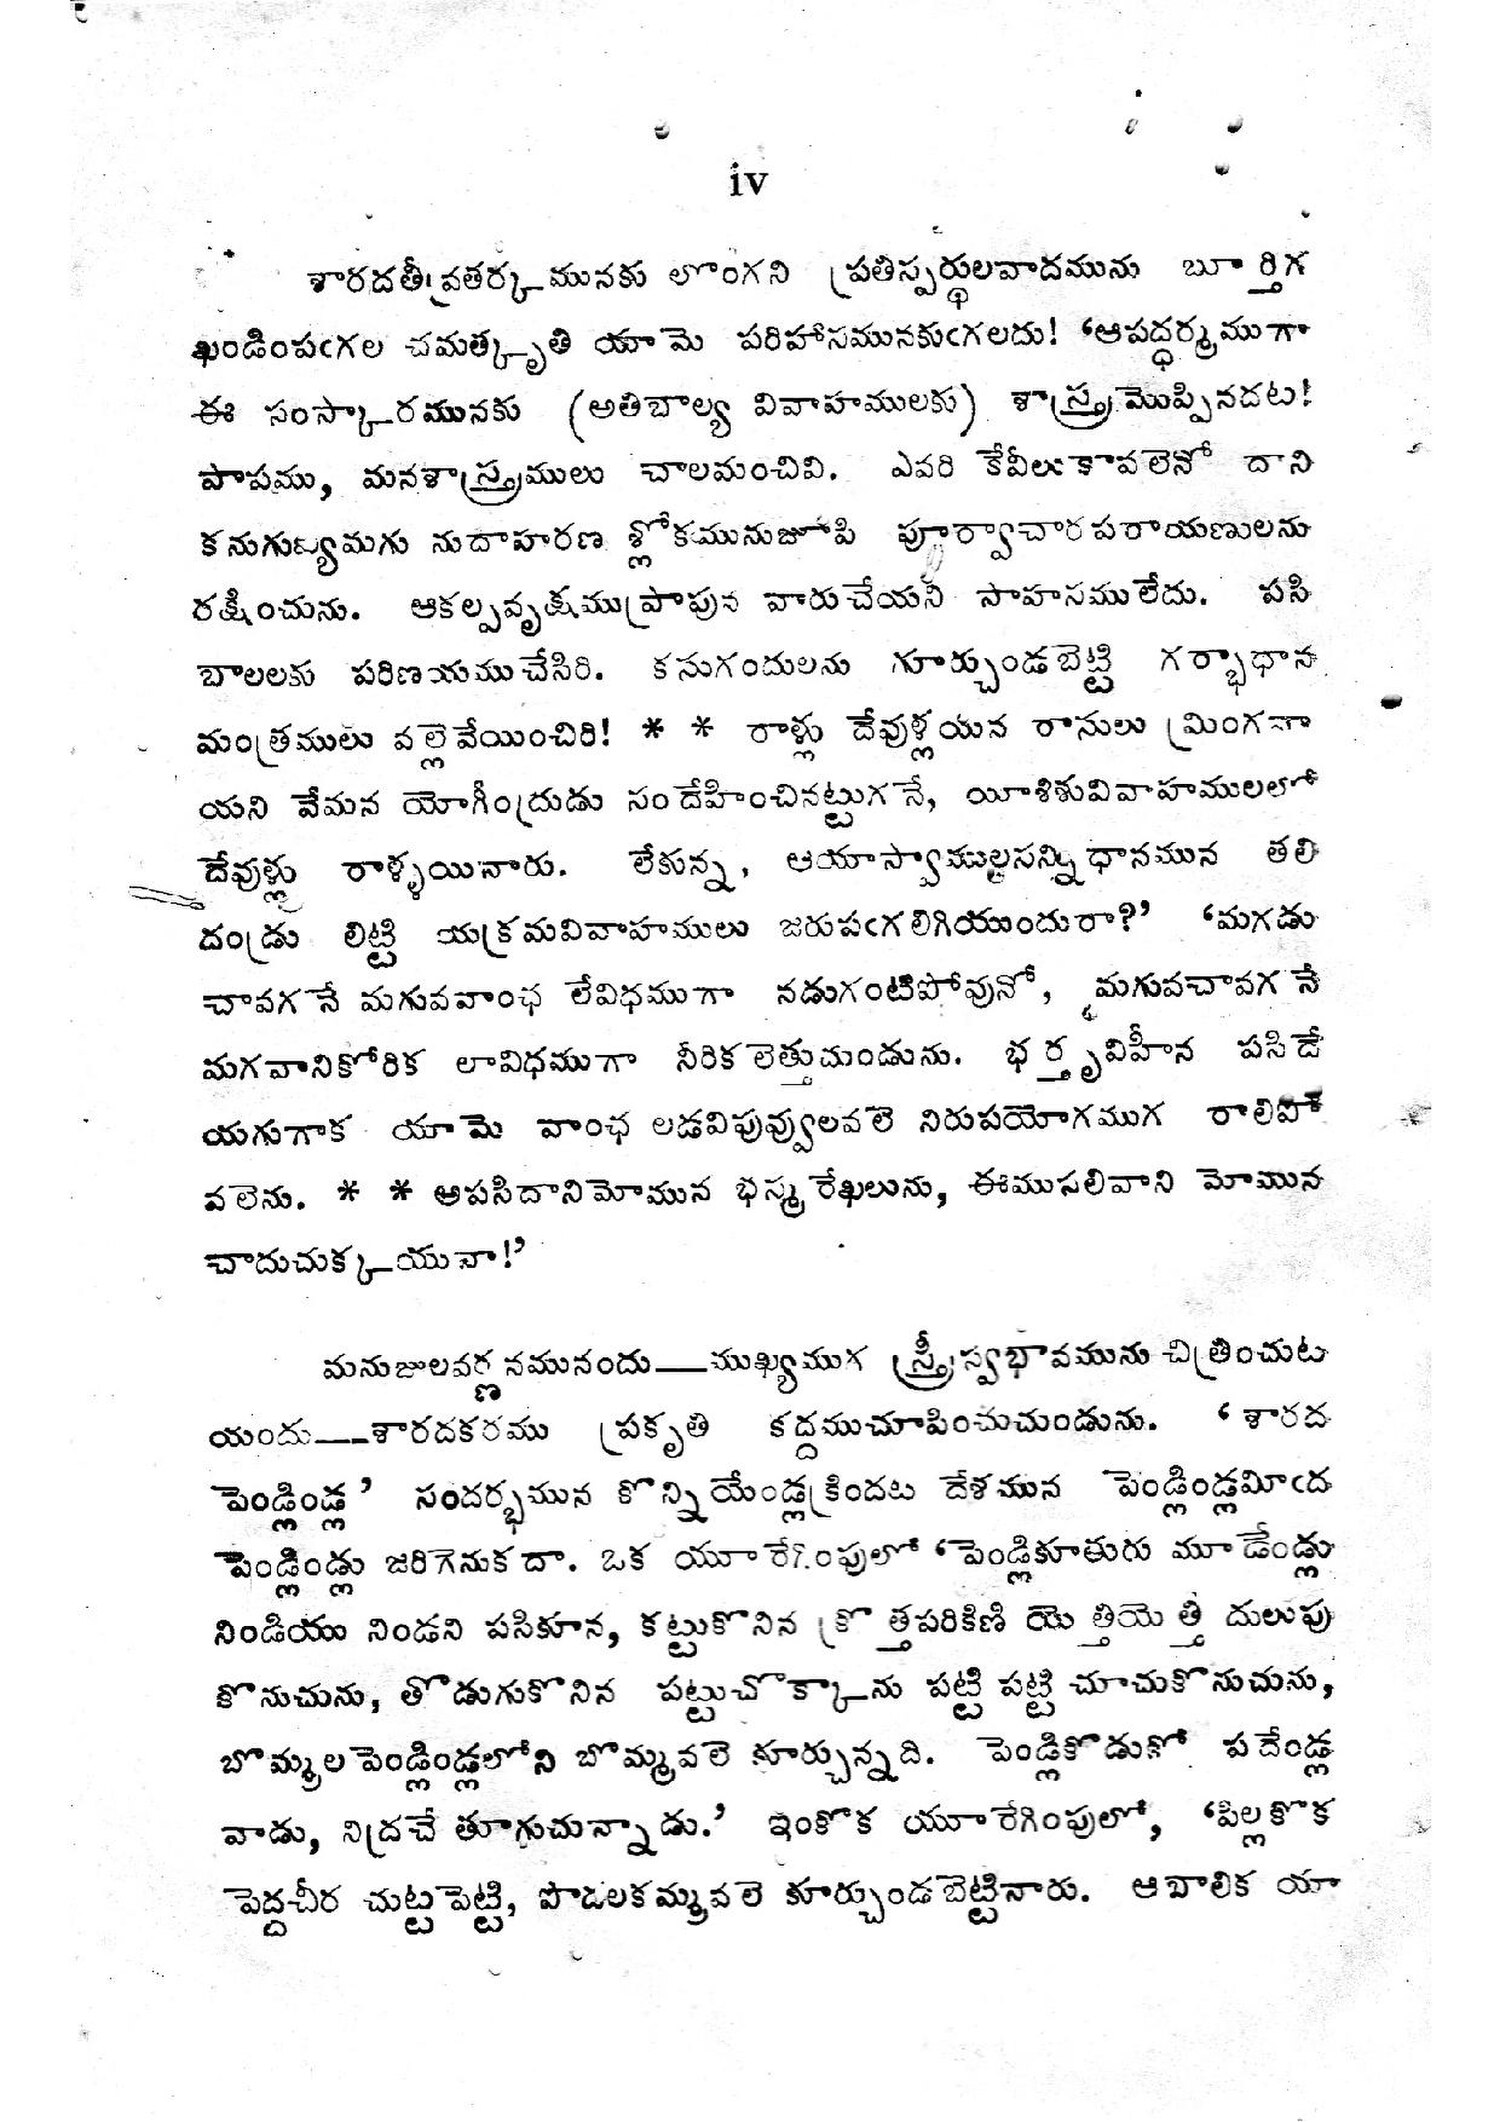శారదతీవ్రతర్కమునకు లొంగని ప్రతిస్పర్థులవాదమును బూర్తిగ ఖండింపఁగల చమత్కృతి యామె పరిహాసమునకుఁగలదు! 'ఆపద్ధర్మముగా ఈ సంస్కారమునకు (అతిబాల్య వివాహములకు) శాస్త్రమొప్పినదట! పాపము, మనశాస్త్రములు చాలమంచివి. ఎవరి కేవీలుకావలెనో దాని కనుగుణ్యమగు నుదాహరణ శ్లోకమునుజూపి పూర్వాచారపరాయణులను రక్షించును. ఆకల్పవృక్షముప్రాపున వారుచేయని సాహసములేదు. పసిబాలలకు పరిణయము చేసిరి. కసుగందులను గూర్చుండబెట్టి గర్భాధాన మంత్రములు వల్లెవేయించిరి! * * రాళ్లు దేవుళ్లయిన రాసులు మ్రింగవా యని వేమన యోగీంద్రుడు సందేహించినట్టుగానే, యీశిశువివాహములలో దేవుళ్లు రాళ్ళయినారు. లేకున్న, ఆయాస్వాములసన్ని ధానమున తలిదండ్రు లిట్టి యక్రమవివాహములు జరుపఁగలిగియుందురా?'మగడు చావగనే మగువవాంఛ లేవిధముగా నడుగంటిపోవునో, మగువచావగనే మగవానికోరిక లావిధముగా నీరికలెత్తుచుండును. భర్తృవిహీన పసిదే యగుగాక యామె వాంఛ లడవిపువ్వులవలె నిరుపయోగముగ రాలిపోవలెను. * * ఆపసిదానిమోమున భస్మ రేఖలును, ఈముసలివాని మోమున చాదుచుక్కయునా!'

మనుజులవర్ణనమునందు - ముఖ్యముగ స్త్రీస్వభావమును చిత్రించుట యందు - శారదకరము ప్రకృతి కద్దముచూపించుచుండును. 'శారద పెండ్లిండ్ల' సందర్భమున కొన్నియేండ్లక్రిందట దేశమున పెండ్లిండ్లమీఁద
పెండ్లిండ్లు జరిగెనుకదా. ఒక యూరేగింపులో 'పెండ్లికూతురు మూడేండ్లు నిండియు నిండని పసికూన, కట్టుకొనిన క్రొత్తపరికిణి యెత్తియెత్తి దులుపు కొనుచును, తొడుగుకొనిన పట్టుచొక్కాను పట్టి పట్టి చూచుకొనుచును, బొమ్మల పెండ్లిండ్లలోని బొమ్మవలె కూర్చున్నది. పెండ్లికొడుకో పదేండ్లవాడు, నిద్రచే తూగుచున్నాడు.' ఇంకొక యూరేగింపులో, 'పిల్లకొక పెద్దచీర చుట్టపెట్టి, పొదలకమ్మవలె కూర్చుండబెట్టినారు. ఆబాలిక యా